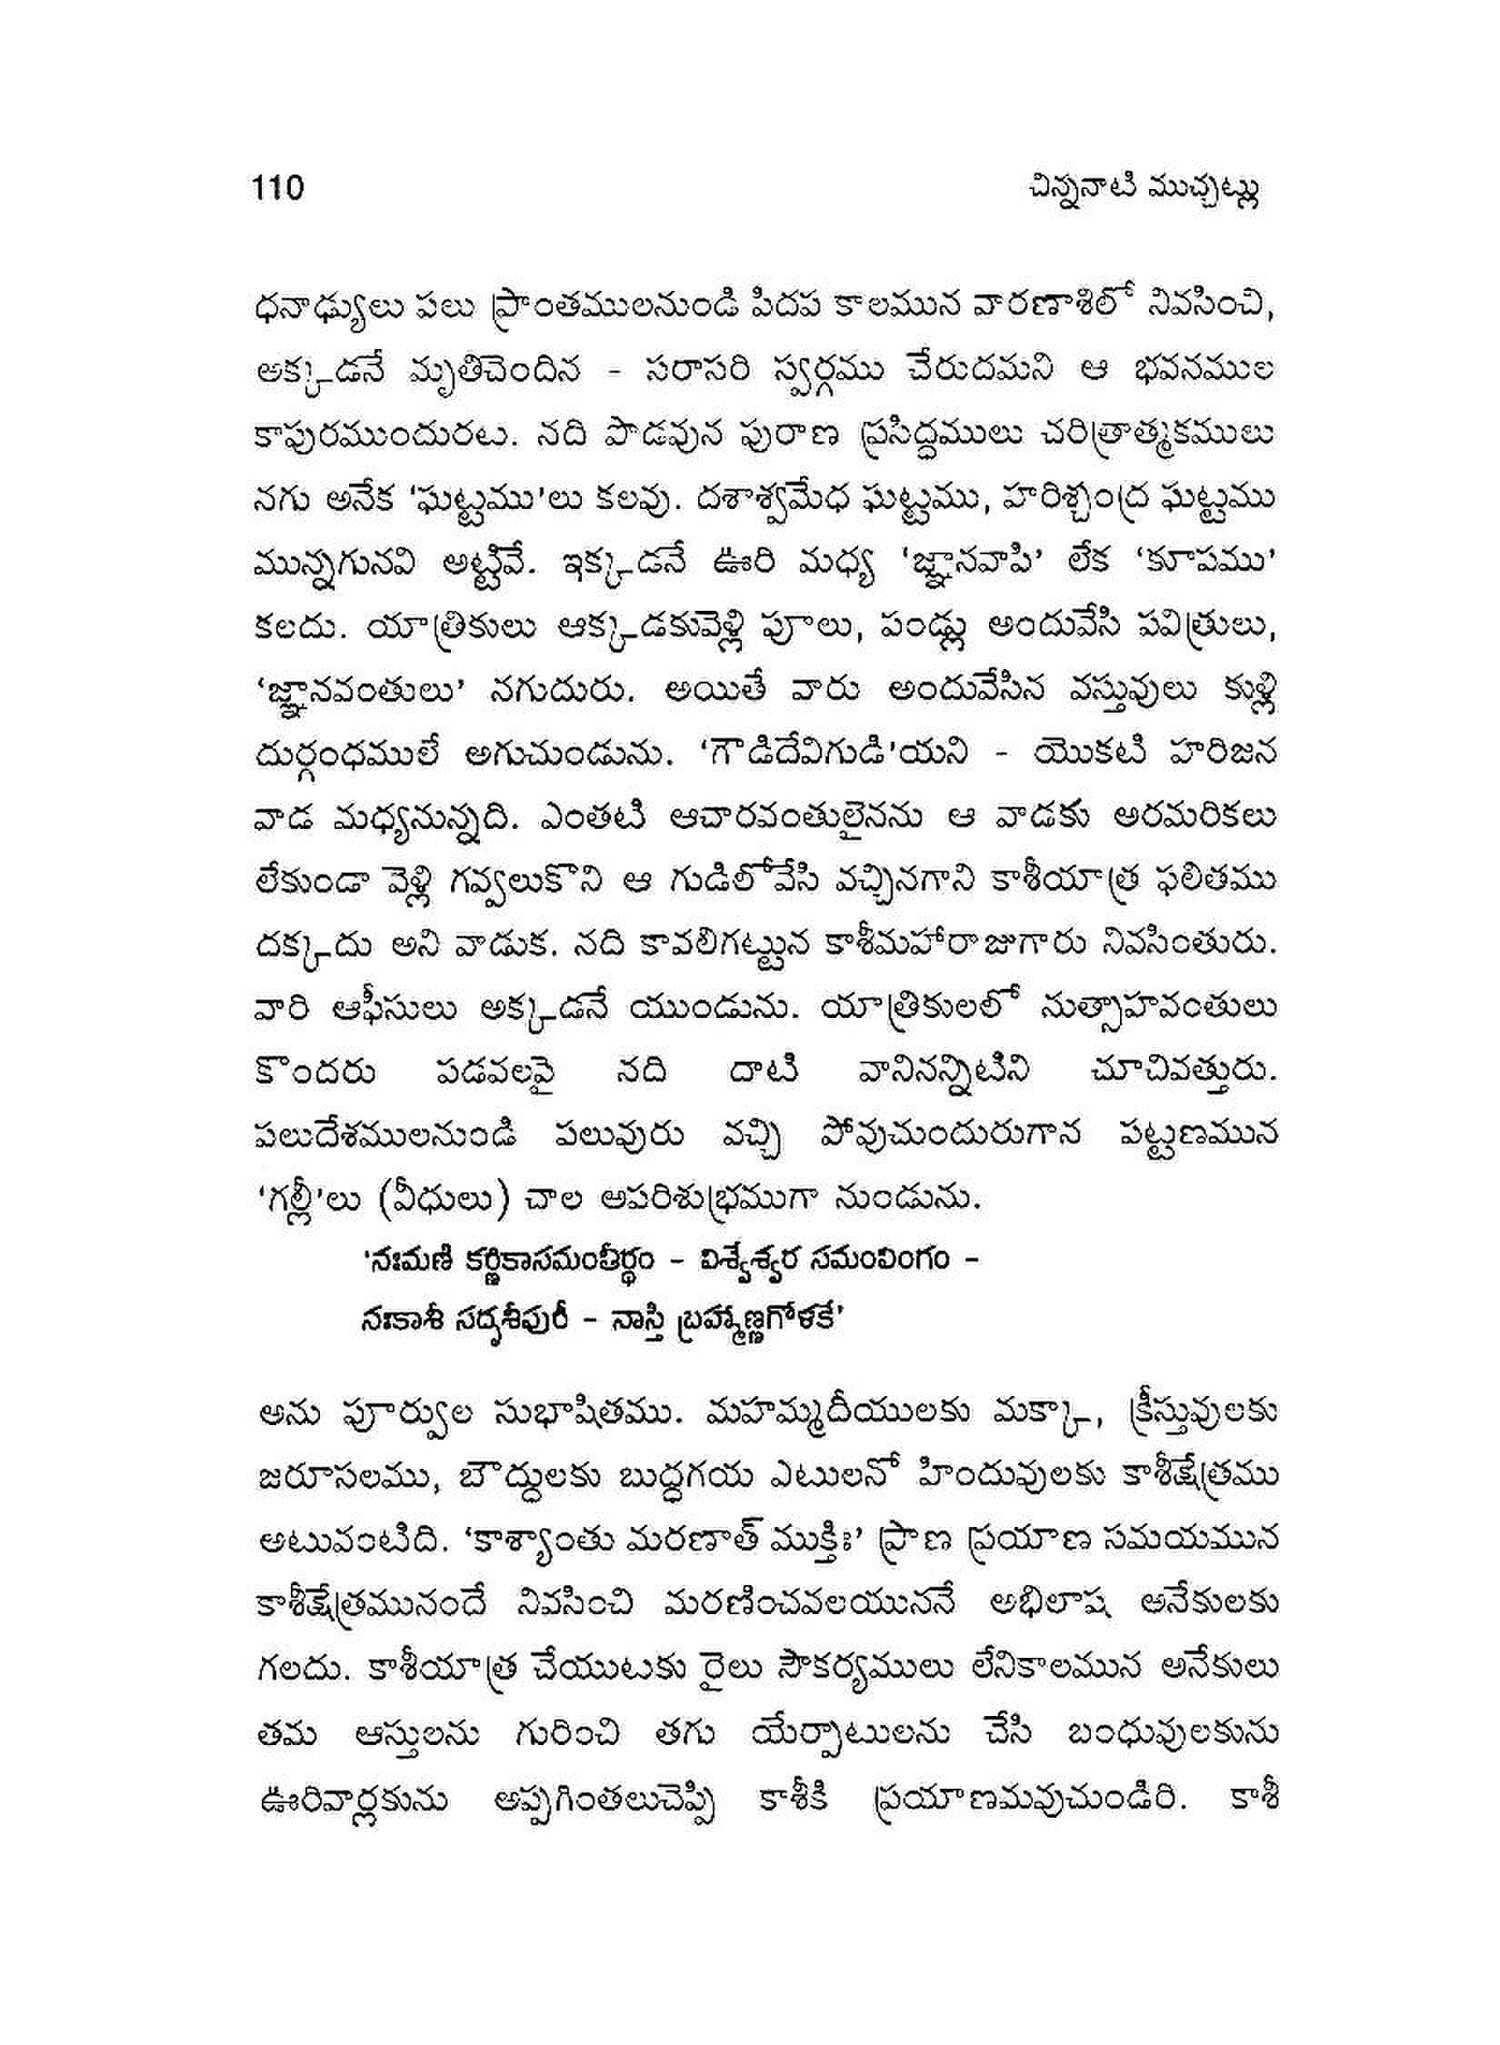ధనాధ్ధ్యులు పలు ప్రాంతములనుండి పిదప కాలమున వారణాశిలో నివసించి, అక్కడనే మృతిచెందిన - సరాసరి స్వర్గము చేరుదమని ఆ భవనముల కాపురముందురట. నది పొడవున పురాణ ప్రసిద్దములు చరిత్రాత్మకములు నగు అనేక 'ఘట్టము'లు కలవు. దశాశ్వమేధ ఘట్టము, హరిశ్చంద్ర ఘట్టము మున్నగునవి అట్టివే. ఇక్కడనే ఊరి మధ్య 'జ్ఞానవాపి' లేక 'కూపము' కలదు. యాత్రికులు ఆక్కడకువెళ్లి పూలు, పండ్లు అందువేసి పవిత్రులు, 'జ్ఞానవంతులు' నగుదురు. అయితే వారు అందువేసిన వస్తువులు కుళ్లి దుర్గంధములే అగుచుండును. 'గౌడిదేవిగుడి' యని - యొకటి హరిజనవాడ మధ్యనున్నది. ఎంతటి ఆచారవంతులైనను ఆ వాడకు అరమరికలు లేకుండా వెళ్లి గవ్వలుకొని ఆ గుడిలోవేసి వచ్చినగాని కాశీయాత్ర ఫలితము దక్కదు అని వాడుక. నది కావలిగట్టున కాశీమహారాజుగారు నివసింతురు. వారి ఆఫీసులు అక్కడనే యుండును. యాత్రికులలో నుత్సాహవంతులు కొందరు పడవలపై నది దాటి వానినన్నిటిని చూచివత్తురు. పలుదేశములనుండి పలువురు వచ్చి పోవుచుందురుగాన పట్టణమున 'గల్లీ'లు (వీధులు) చాల అపరిశుభ్రముగా నుండును.

అను పూర్వుల సుభాషితము. మహమ్మదీయులకు మక్కా, క్రీస్తువులకు జరూసలము, బౌద్దులకు బుద్దగయ ఎటులనో హిందువులకు కాశీక్షేత్రము అటువంటిది. 'కాశ్యాంతు మరణాత్ ముక్తిః' ప్రాణ ప్రయాణ సమయమున కాశీక్షేత్రమునందే నివసించి మరణించవలయుననే అభిలాష అనేకులకు గలదు. కాశీయాత్ర చేయుటకు రైలు సౌకర్యములు లేనికాలమున అనేకులు తమ ఆస్తులను గురించి తగు యేర్పాటులను చేసి బంధువులకును ఊరివార్లకును అప్పగింతలుచెప్పి కాశీకి ప్రయాణమవుచుండిరి. కాశీ